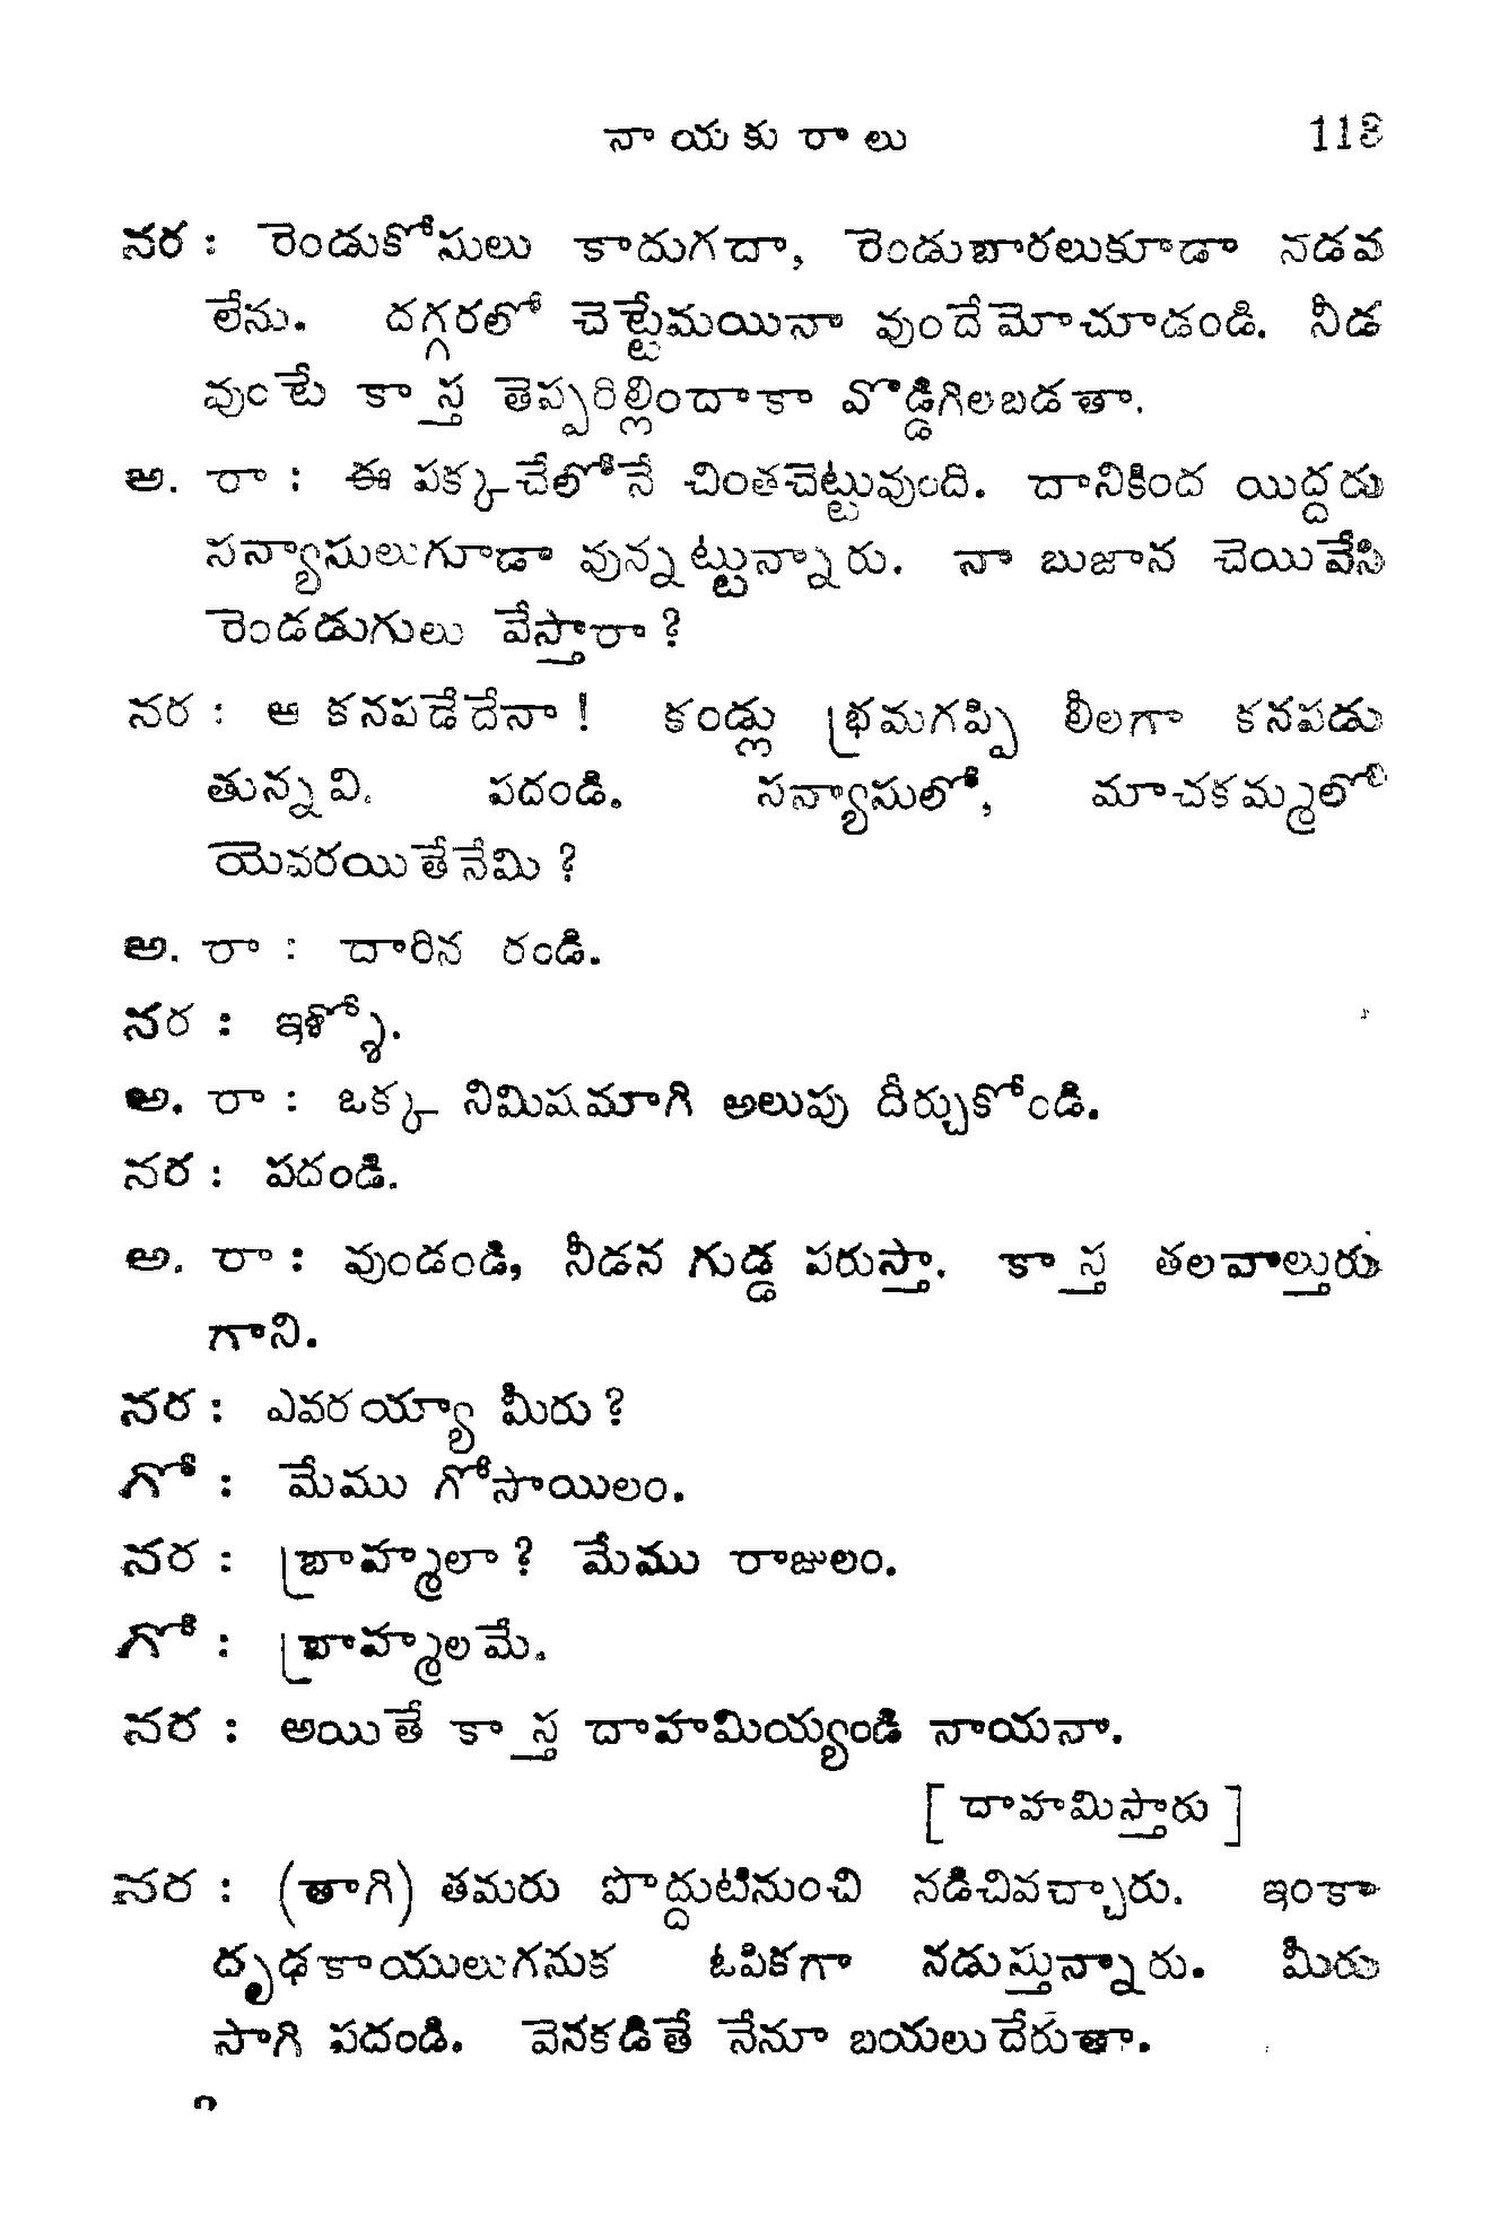నర : రెండుకోసులు కాదుగదా, రెండుబారలుకూడా నడవలేను. దగ్గరలో చెట్టేమయినా వుందేమో చూడండి, నీడ వుంటే కాస్త తెప్పరిల్లిందాకా వొడ్డిగిలబడతా.

అ. రా : ఈ పక్కచేలోనే చింతచెట్టువుంది. దానికింద యిద్దరు సన్యాసులుగూడా వున్నట్టున్నారు. నా బుజాన చెయివేసి రెండడుగులు వేస్తారా ?

నర : ఆ కనపడేదేనా ! కండ్లు భ్రమగప్పి లీలగా కనపడుతున్నవి. పదండి. సన్యాసులో, మాచకమ్మలో
యెవరయితేనేమి?

అ. రా : దారిన రండి.

నర : ఇళ్ళో.

అ. రా : ఒక్క నిమిషమాగి అలుపు దీర్చుకోండి.

నర: పదండి.

అ. రా : వుండండి, నీడన గుడ్డ పరుస్తా. కాస్త తలవాల్తురు గాని.

నర : ఎవరయ్యా మీరు ?

గో : మేము గోసాయిలం.

నర : బ్రాహ్మలా ? మేము రాజులం.

గో : బ్రాహ్మలమే.

నర : అయితే కాస్త దాహమియ్యండి నాయనా.

నర : (తాగి) తమరు పొద్దుటినుంచి నడిచివచ్చారు. ఇంకా దృఢకాయులుగనుక ఓపికగా నడుస్తున్నారు. మీరు సాగి పదండి. వెనకడితే నేనూ బయలుదేరుతా.